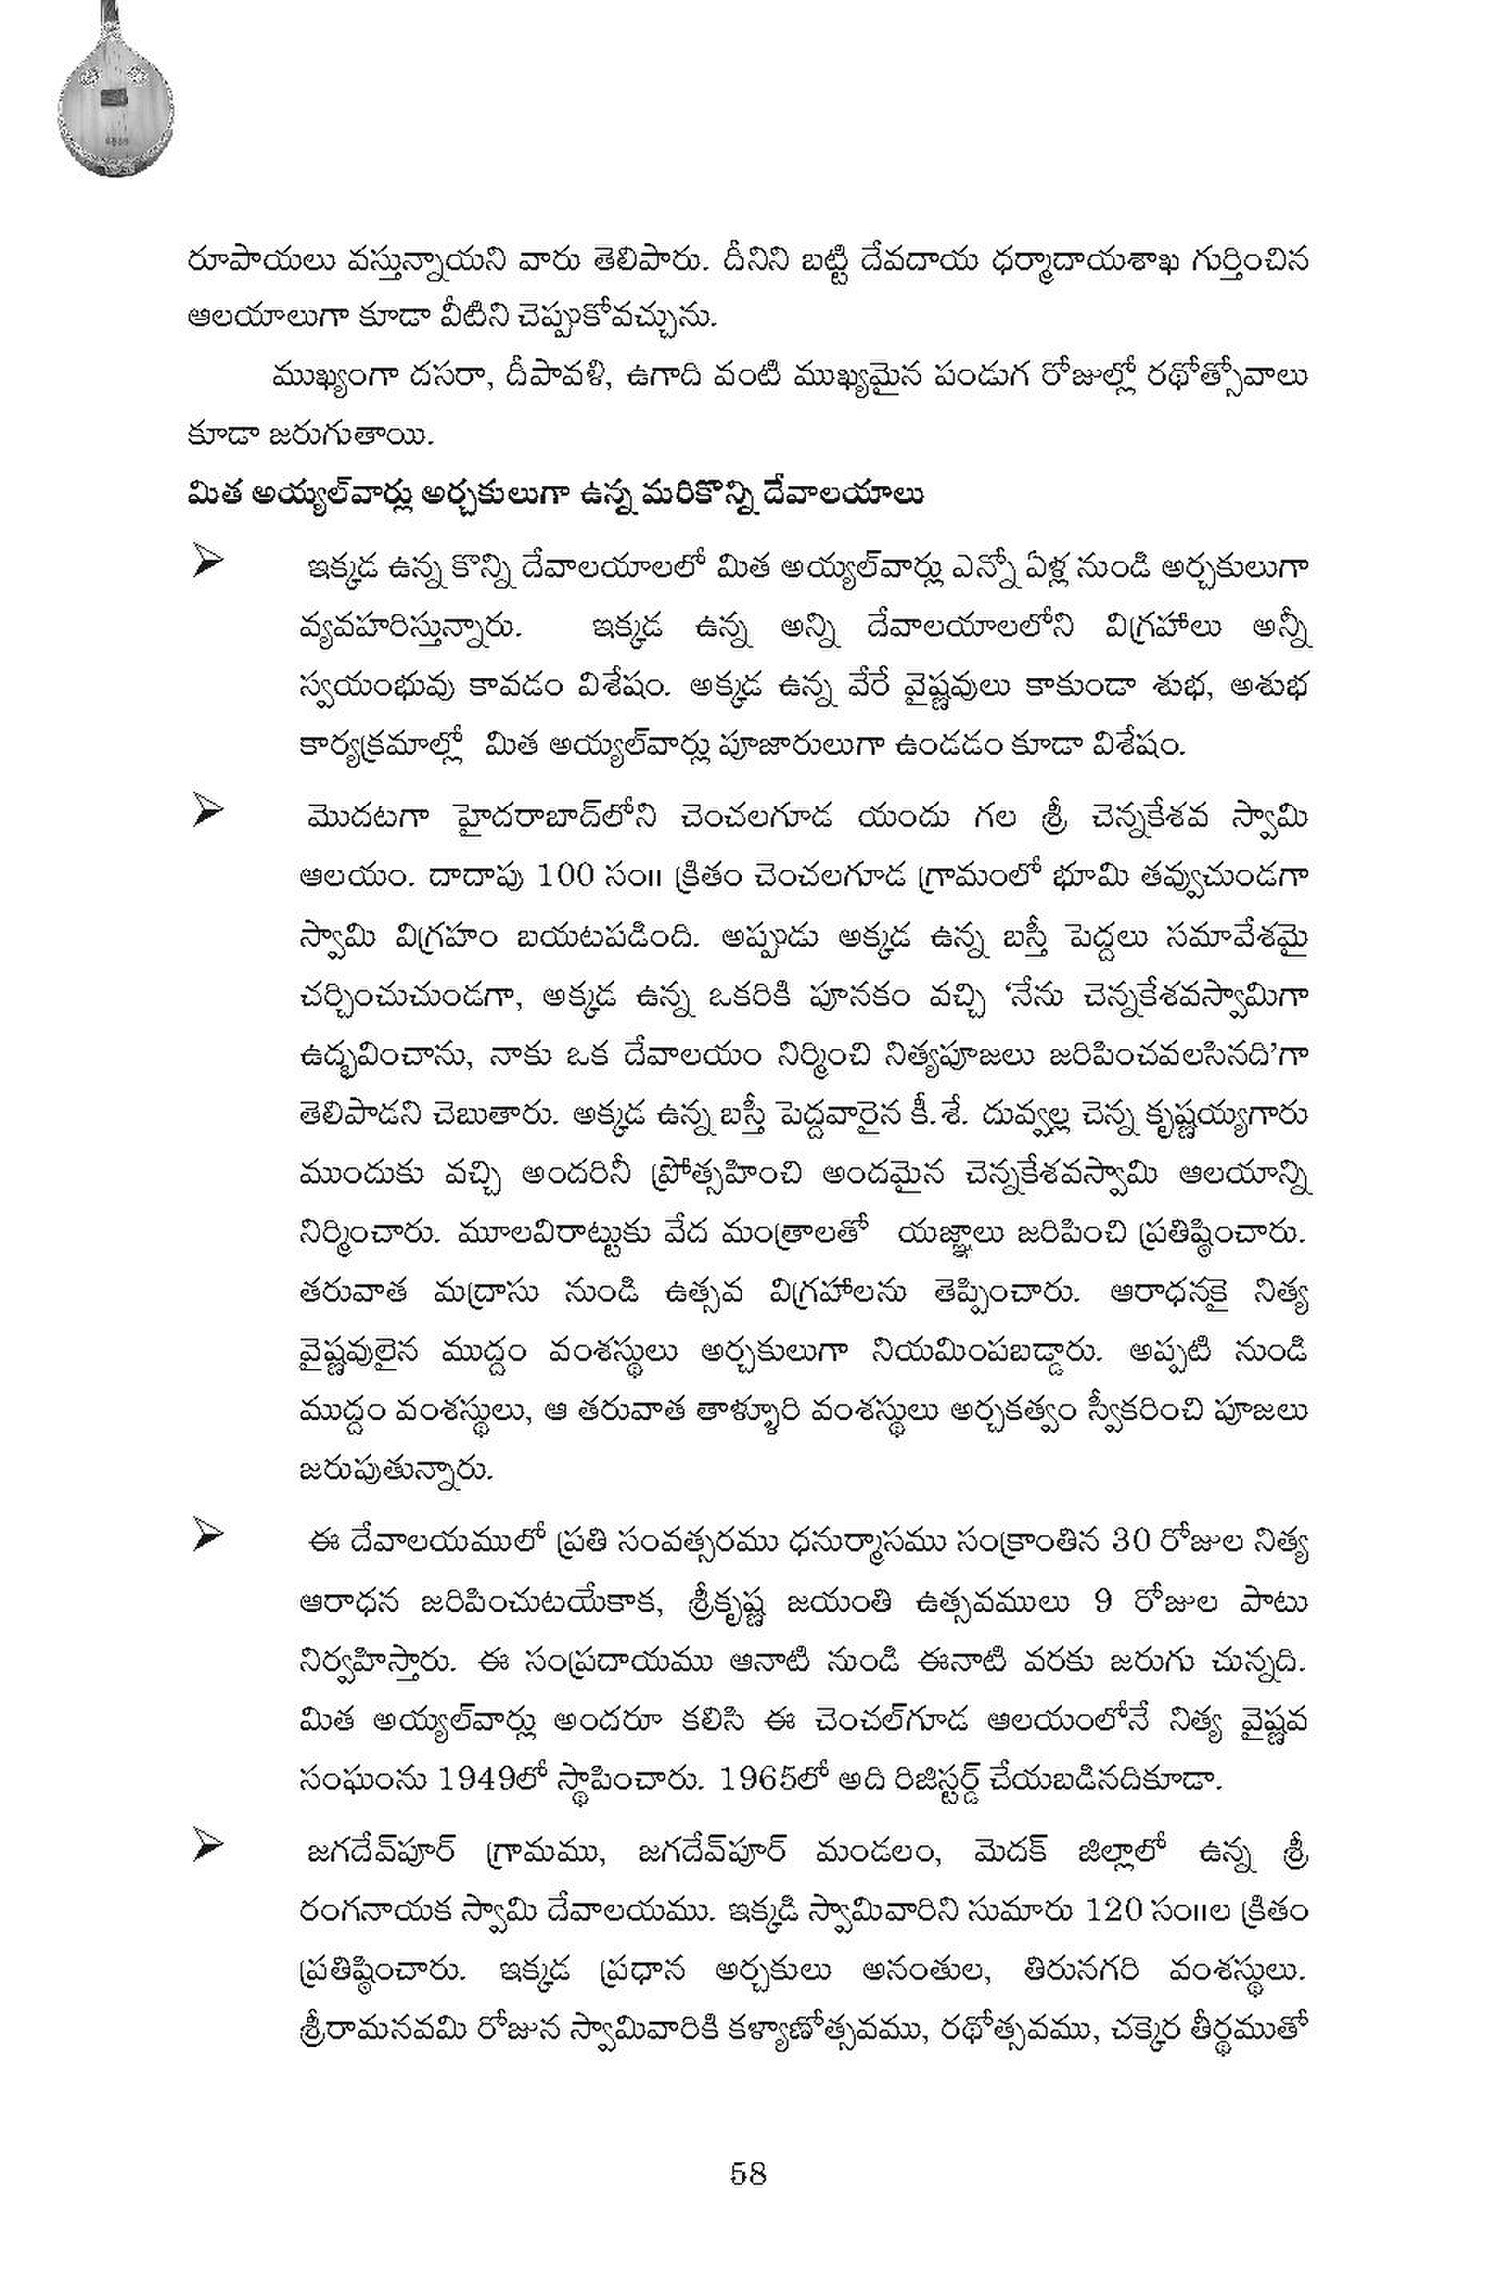రూపాయలు వస్తున్నాయని వారు తెలిపారు. దీనిని బట్టి దేవదాయ ధర్మాదాయశాఖ గుర్తించిన ఆలయాలుగా కూడా వీటిని చెప్పుకోవచ్చును.

ముఖ్యంగా దసరా, దీపావళి, ఉగాది వంటి ముఖ్యమైన పండుగ రోజుల్లో రథోత్సవాలు కూడా జరుగుతాయి.

మిత అయ్యల్వార్లు అర్చకులుగా ఉన్న మరికొన్ని దేవాలయాలు 

ఇక్కడ ఉన్న కొన్ని దేవాలయాలలో మిత అయ్యల్వార్లు ఎన్నో ఏళ్ల నుండి అర్చకులుగా వ్యవహరిస్తున్నారు. ఇక్కడ ఉన్న అన్ని దేవాలయాలలోని విగ్రహాలు అన్నీ స్వయంభువు కావడం విశేషం. అక్కడ ఉన్న వేరే వైష్ణవులు కాకుండా శుభ, అశుభ కార్యక్రమాల్లో మిత అయ్యల్వార్లు పూజారులుగా ఉండడం కూడా విశేషం. మొదటగా హైదరాబాద్ లోని చెంచలగూడ యందు గల శ్రీ చెన్నకేశవ స్వామి ఆలయం. దాదాపు 100 సం॥ క్రితం చెంచలగూడ గ్రామంలో భూమి తవ్వుచుండగా
స్వామి విగ్రహం బయటపడింది. అప్పుడు అక్కడ ఉన్న బస్తీ పెద్దలు సమావేశమై చర్చించుచుండగా, అక్కడ ఉన్న ఒకరికి పూనకం వచ్చి 'నేను చెన్నకేశవస్వామిగా ఉద్భవించాను, నాకు ఒక దేవాలయం నిర్మించి నిత్యపూజలు జరిపించవలసినది' గా తెలిపాడని చెబుతారు. అక్కడ ఉన్న బస్తీ పెద్దవారైన కీ. శే. దువ్వల చెన్న కృష్ణయ్యగారు ముందుకు వచ్చి అందరినీ ప్రోత్సహించి అందమైన చెన్నకేశవస్వామి ఆలయాన్ని నిర్మించారు. మూలవిరాట్టుకు వేద మంత్రాలతో యజ్ఞాలు జరిపించి ప్రతిష్ఠించారు. తరువాత మద్రాసు నుండి ఉత్సవ విగ్రహాలను తెప్పించారు. ఆరాధనకై నిత్య వైష్ణవులైన ముద్దం వంశస్థులు అర్చకులుగా నియమింపబడ్డారు. అప్పటి నుండి ముద్దం వంశస్థులు, ఆ తరువాత తాళ్ళూరి వంశస్థులు అర్చకత్వం స్వీకరించి పూజలు జరుపుతున్నారు.

ఈ దేవాలయములో ప్రతి సంవత్సరము ధనుర్మాసము సంక్రాంతిన 30 రోజుల నిత్య ఆరాధన జరిపించుటయేకాక, శ్రీకృష్ణ జయంతి ఉత్సవములు 9 రోజుల పాటు నిర్వహిస్తారు. ఈ సంప్రదాయము ఆనాటి నుండి ఈనాటి వరకు జరుగు చున్నది.
మిత అయ్యల్వార్లు అందరూ కలిసి ఈ చెంచల్గూడ ఆలయంలోనే నిత్య వైష్ణవ సంఘంను 1949లో స్థాపించారు. 1965లో అది రిజిస్టర్డ్ చేయబడినదికూడా.

జగదేవపూర్ గ్రామము, జగదేవ్ పూర్ మండలం, మెదక్ జిల్లాలో ఉన్న రంగనాయక స్వామి దేవాలయము. ఇక్కడి స్వామివారిని సుమారు 120 సం॥ల క్రితం ప్రతిష్ఠించారు. ఇక్కడ ప్రధాన అర్చకులు అనంతుల, తిరునగరి వంశస్థులు.
శ్రీరామనవమి రోజున స్వామివారికి కళ్యాణోత్సవము, రథోత్సవము, చక్కెర తీర్థముతో